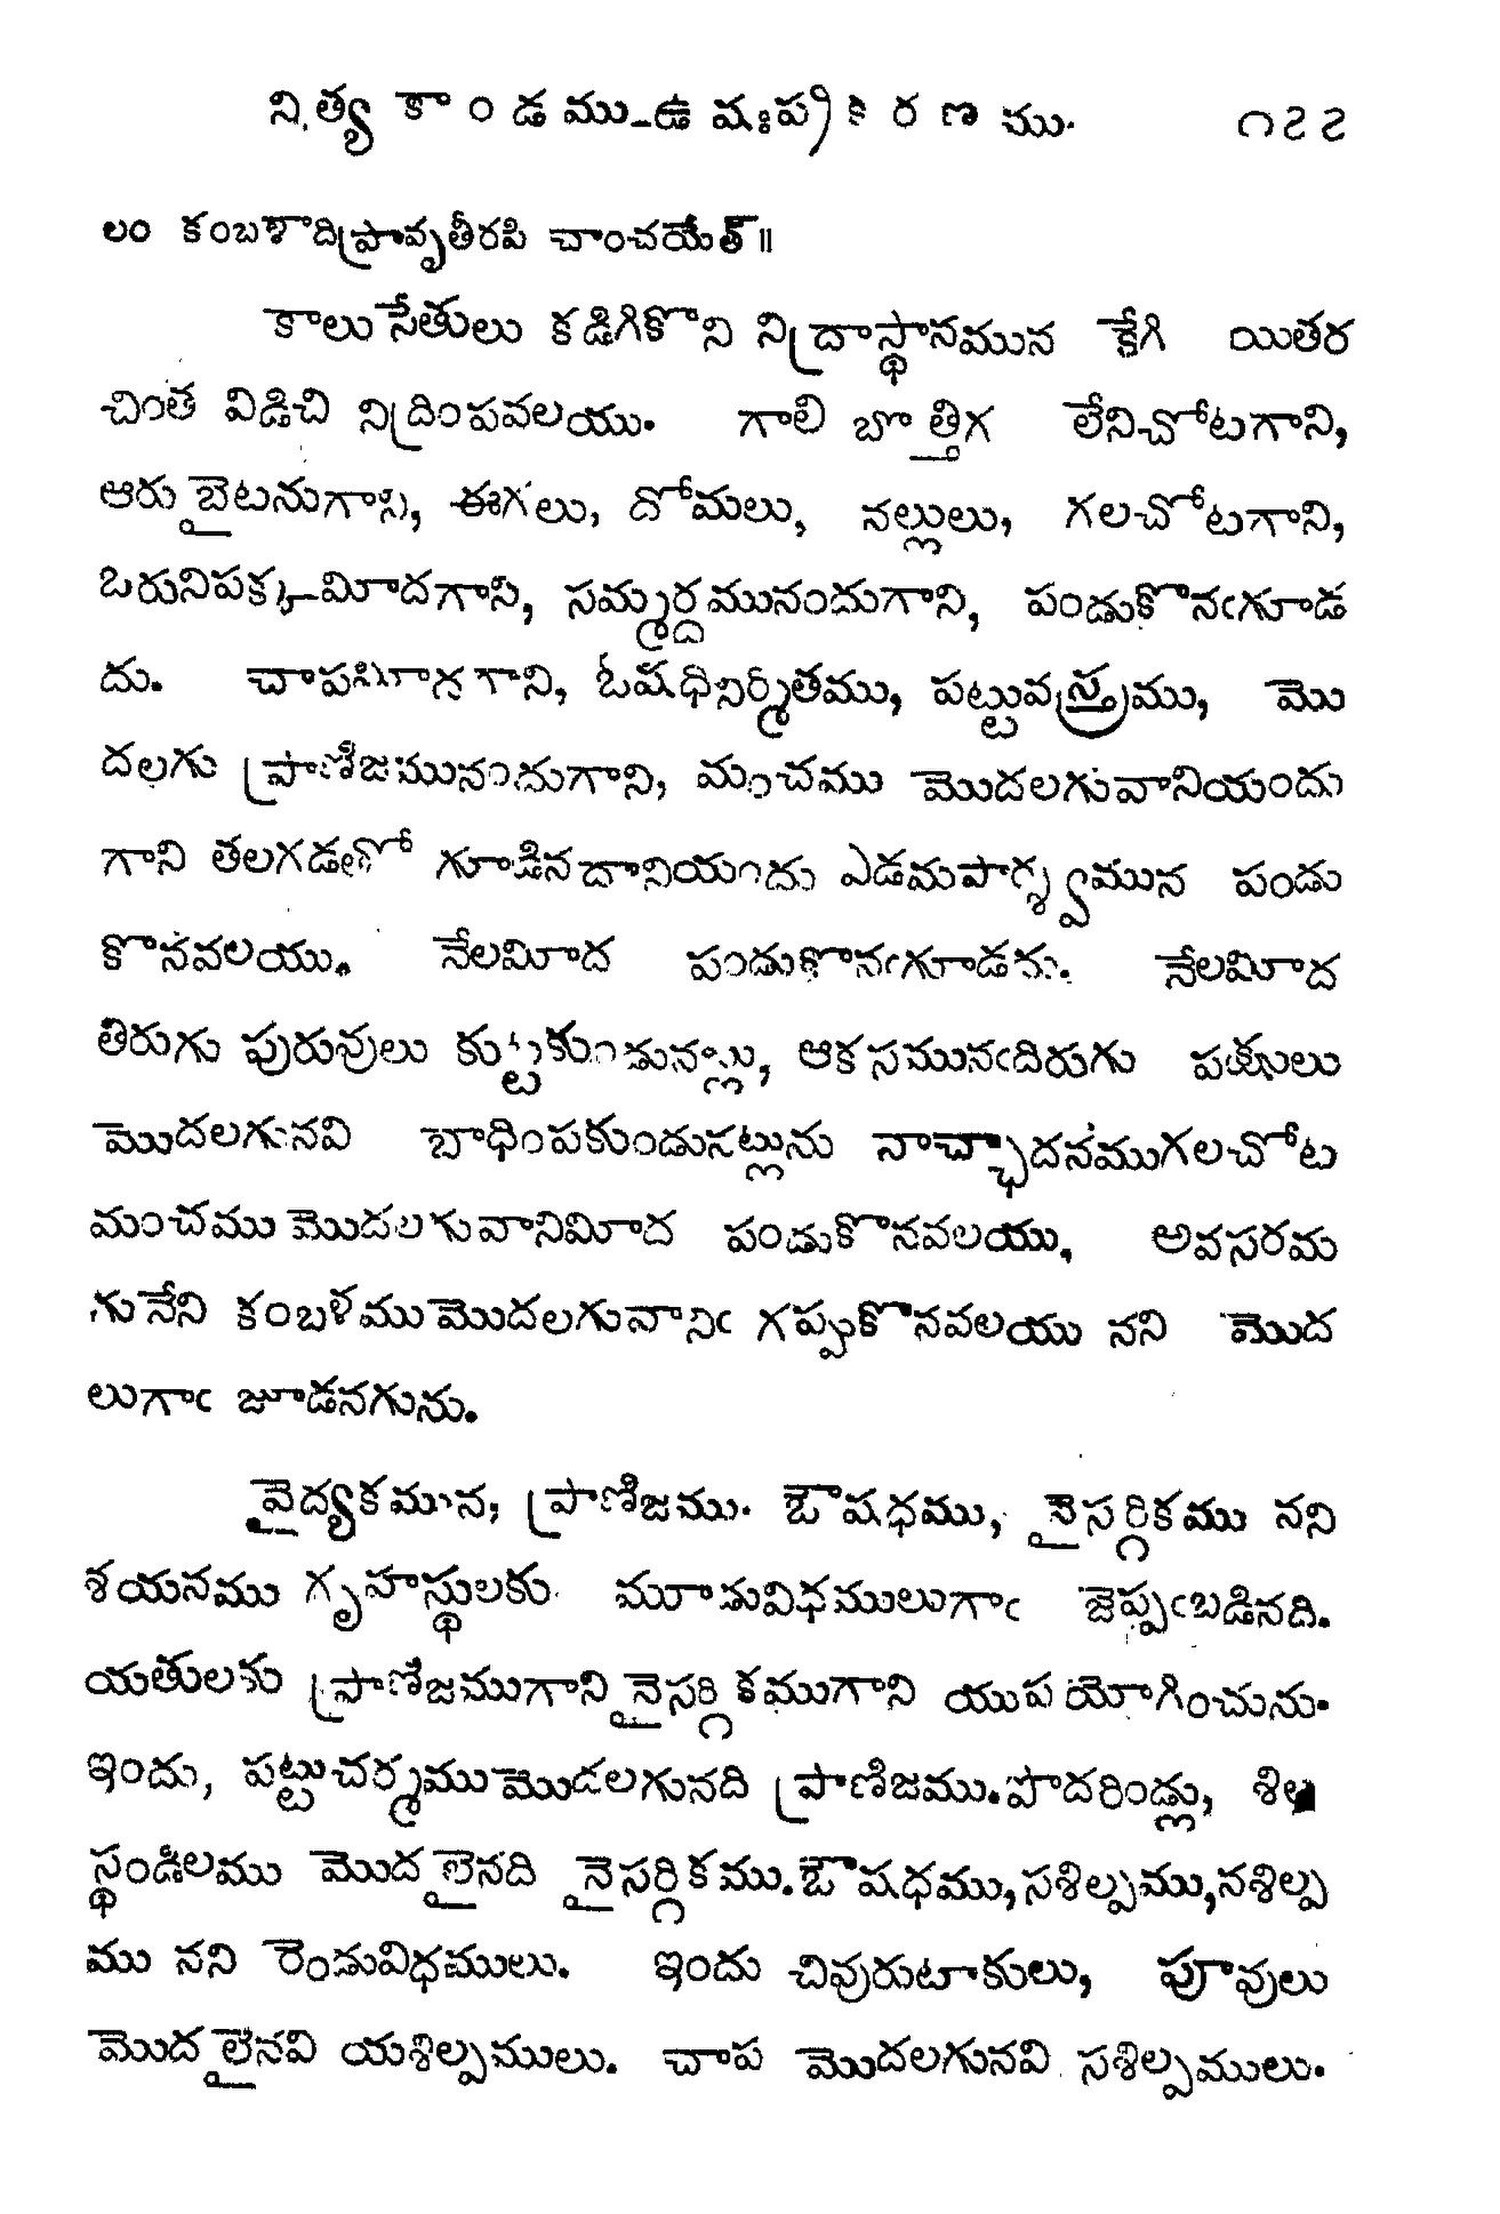లం కంబళాదిప్రావృతీరపి చాంచయేత్ ॥

కాలుసేతులు కడిగికొని నిద్రాస్థానమున కేగి యితర చింత విడిచి నిద్రింపవలయు. గాలి బొత్తిగ లేనిచోటగాని, ఆరుబైటనుగాని, ఈగలు, దోమలు, నల్లులు, గలచోటగాని, ఒరునిపక్కమీదగాని, సమ్మర్దమునందుగాని, పండుకొనఁగూడదు. చాపమీదగాని, ఓషధినిర్మితము, పట్టువస్త్రము, మొదలగు ప్రాణిజమునందుగాని, మంచము మొదలగువానియందుగాని తలగడతో గూడినదానియందు ఎడమపార్శ్వమున పండుకొనవలయు, నేలమీద పండుకొనఁగూడదు. నేలమీద తిరుగు పురువులు కుట్టకుండునట్లు, ఆకసమునఁదిరుగు పక్షులు మొదలగునవి బాధింపకుండునట్లును నాచ్ఛాదనముగలచోట
మంచము మొదలగువానిమీద పండుకొనవలయు, అవసరమగునేని కంబళము మొదలగువానిఁ గప్పుకొనవలయు నని మొదలుగాఁ జూడనగును.

వైద్యకమున, ప్రాణిజము. ఔషధము, నైసర్గికము నని శయనము గృహస్థులకు మూడువిధములుగాఁ జెప్పఁబడినది. యతులకు ప్రాణిజముగాని నైసర్గికముగాని యుపయోగించును. ఇందు, పట్టుచర్మము మొదలగునది ప్రాణిజము. పొదరిండ్లు, శిల స్థండిలము మొదలైనది నైసర్గికము. ఔషధము, సశిల్పము, నశిల్పము నని రెండువిధములు. ఇందు చివురుటాకులు, పూవులు మొదలైనవి యశిల్పములు. చాప మొదలగునవి సశిల్పములు.